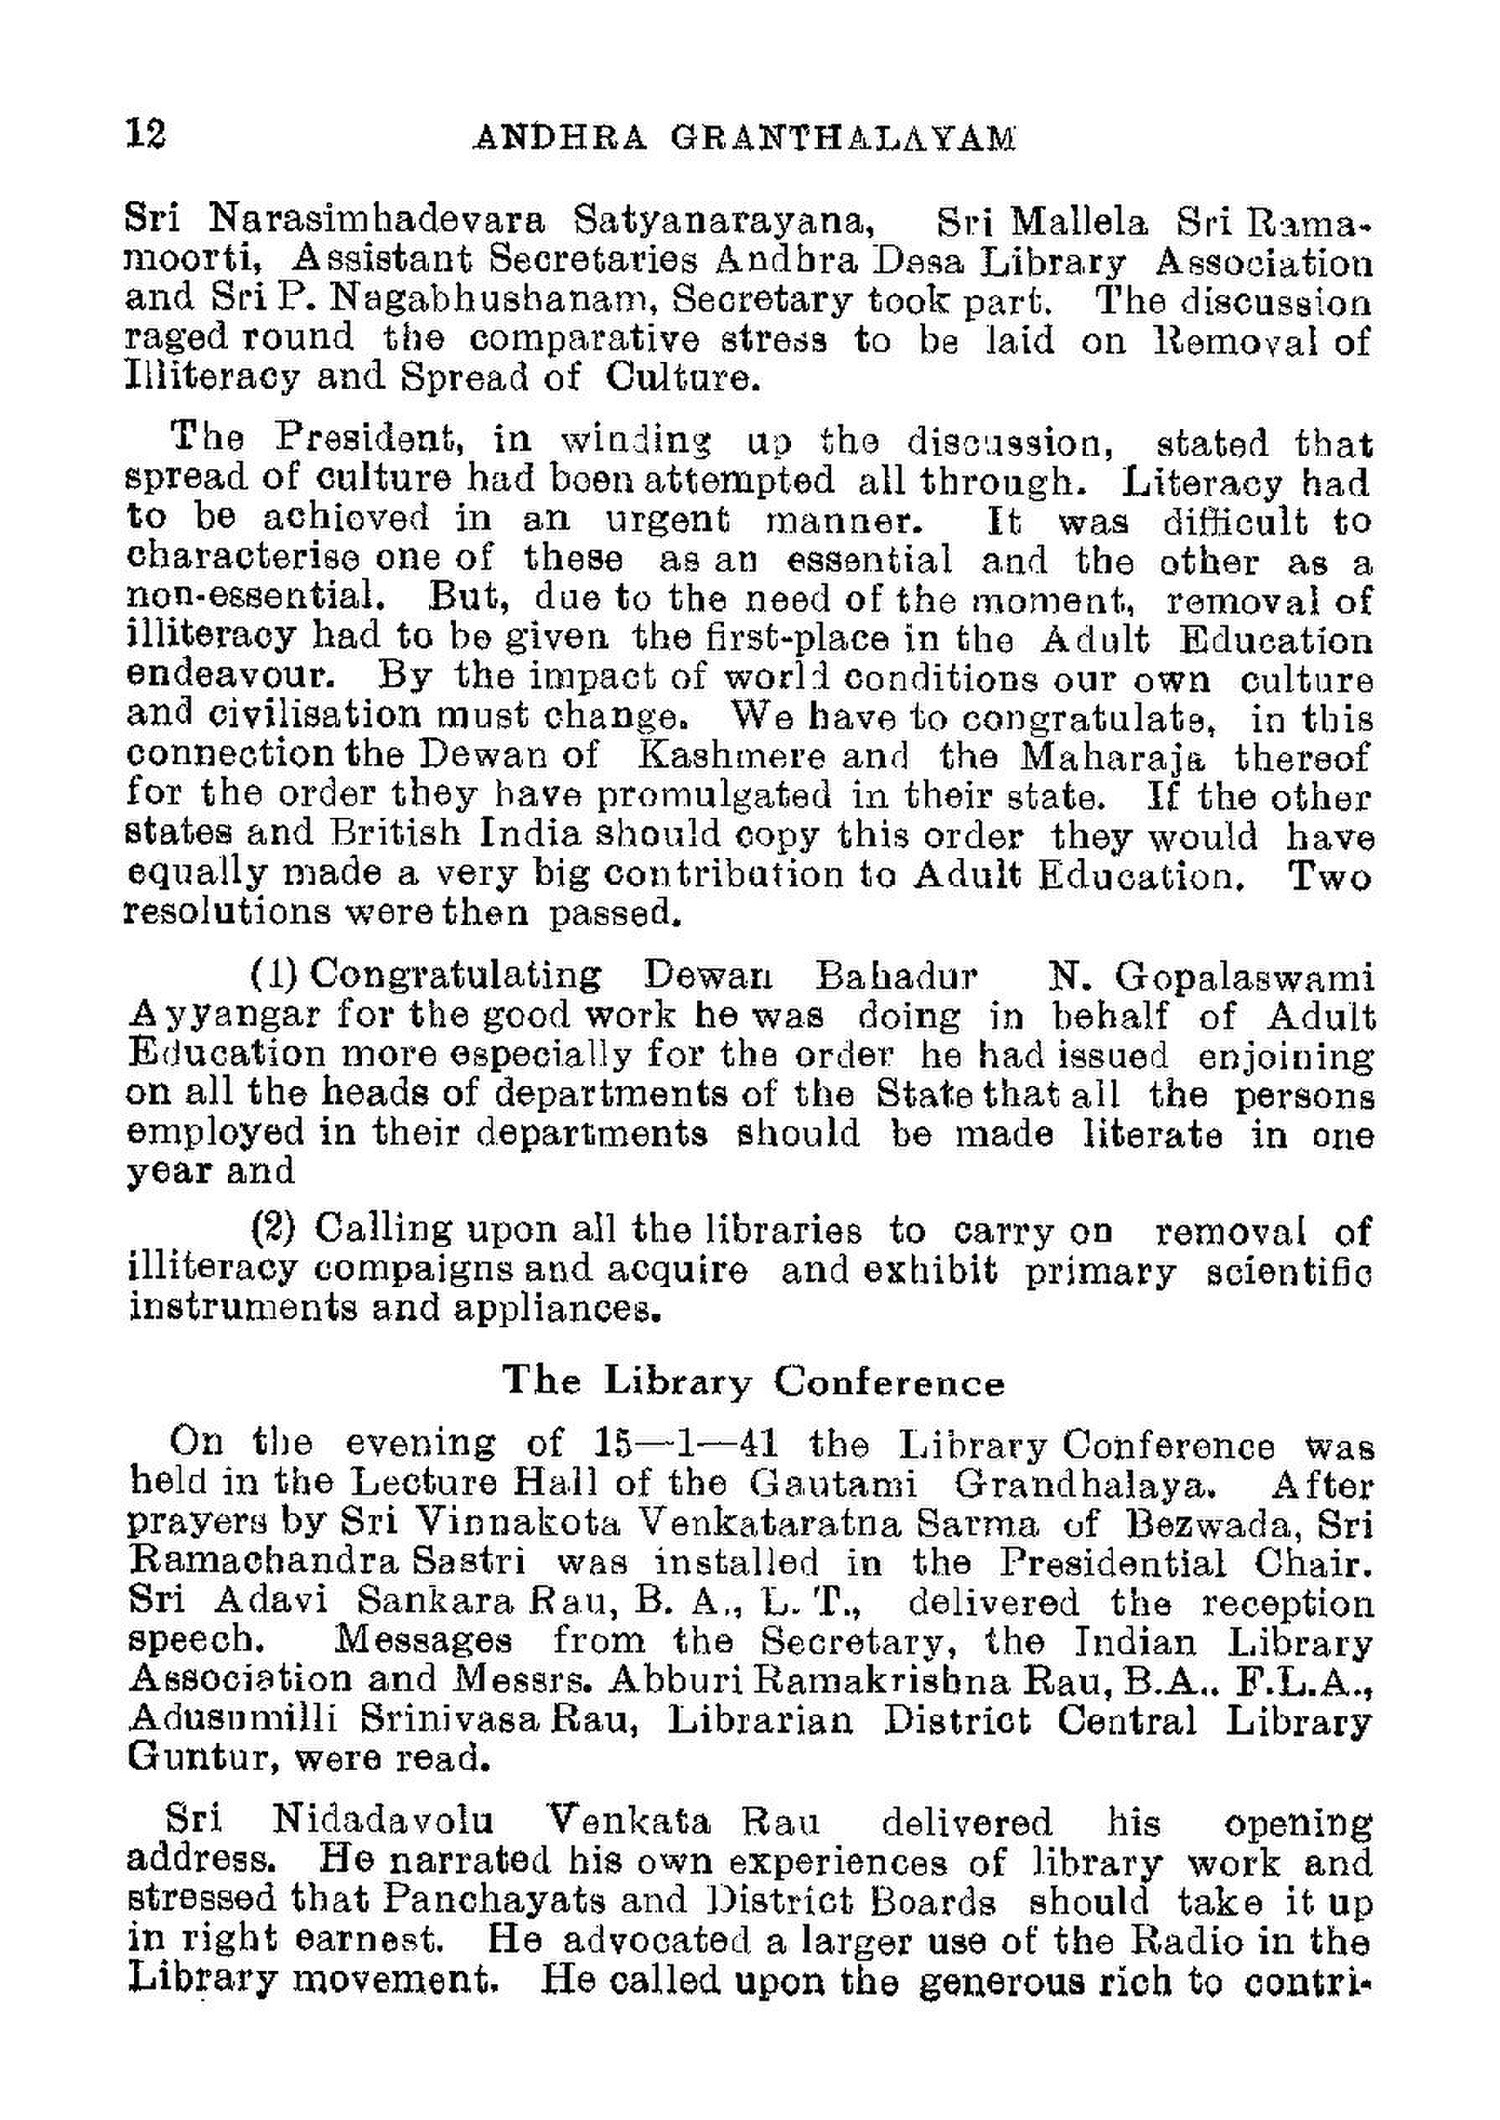Sri Narasimhadevara Satyanarayana, Sri Mallela Sri Ramamoorti, Assistant Secretaries Andbra Desa Library Association and Sri P. Nagabhushanam, Secretary took part. The discussion raged round the comparative 
stress to be laid on Removal of Illiteracy and Spread of Culture. The President, in winding up the 
discussion, stated that spread of culture had been attempted all through. Literacy had to be achieved 
in an urgent manner. It was difficult to characterize one of these as an essential and the other as a
non-essential. But, due to the need of the moment, removal of illiteracy had to be given the first-place 
in the Adult Education endeavor. By the impact of world conditions our own culture and civilization must 
change. We have to congratulate, in this connection the Dewan of Kashmere and the Maharaja thereof for 
the order they have promulgated in their state. If the other states and British India should copy this 
order they would have equally made a very big contribution to Adult Education. Two resolutions were 
then passed.

(1) Congratulating Dewan Bahadur N. Gopalaswami Ayyangar for the good work he was doing in behalf
of Adult Education more especially for the order he had issued enjoining on all the heads of 
departments of the State that all the persons employed in their departments should be made literate 
in one year and

(2) Calling upon all the libraries to carry on removal of illiteracy campaigns and acquire and 
exhibit primary scientific instruments and appliances.

On the evening of 15-1-41 the Library Conference was held in the Lecture Hall of the Gautami Grandhalaya.
After prayers by Sri Vinnakota Venkataratna Sarma of Bezwada, Sri Ramachandra Sastri was installed in the Presidential Chair. Sri Adavi Sankara Rau, B. A., L. T., delivered the reception speech. Messages from the Secretary, the Indian Library Association and Messrs. Abburi Ramakrishna Rau, B.A.. F.L.A., Adusumilli 
Srinivasa Rau, Librarian District Central Library Guntur, were read.

Sri Nidadavolu Venkata Rau delivered his opening address. He narrated his own experiences of library 
work and stressed that Panchayats and District Boards should take it up in right earnest. He advocated 
a larger use of the Radio in the Library movement. He called upon the generous rich to contri-